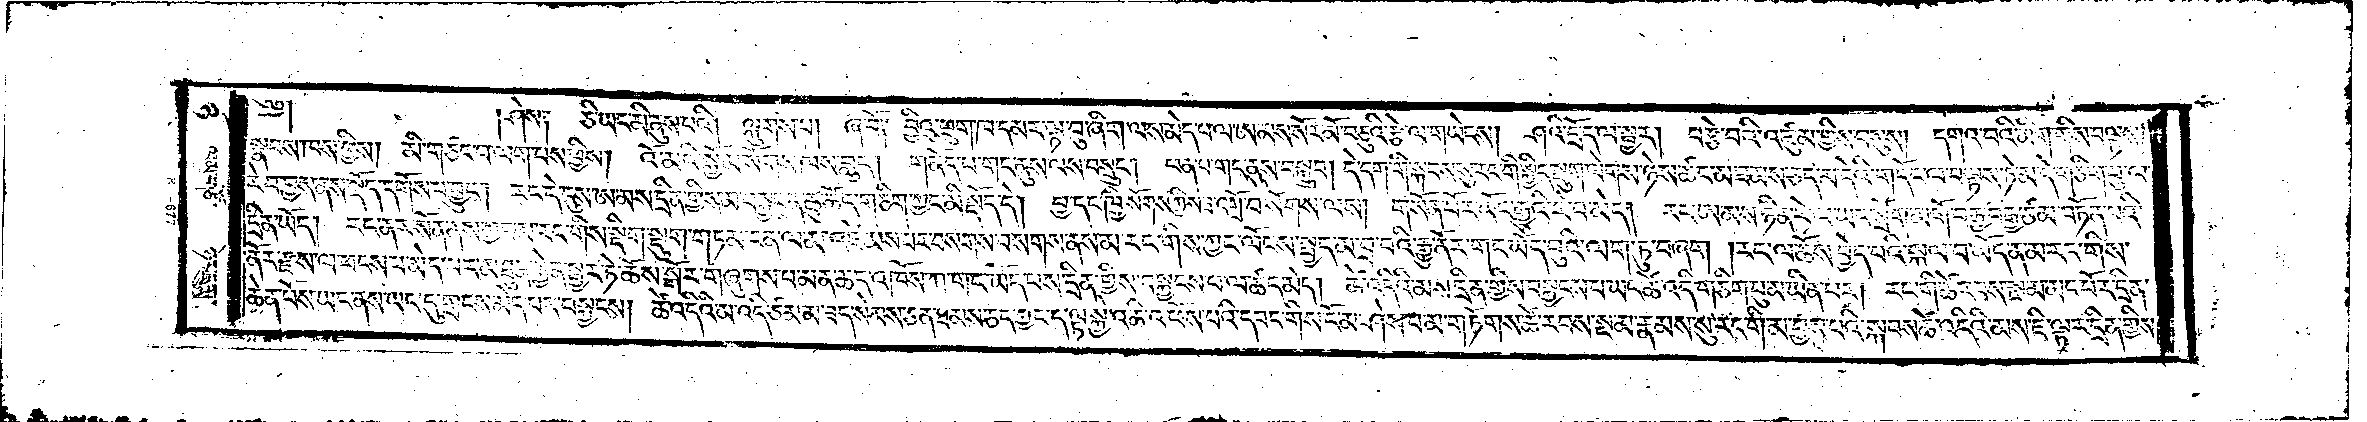༄༅། །ཤེས༑ ཅི་ཡང་མི་ནུས་པའི། ལྐུགས་པ། ཞ་བོ༑ བྱིའུ་ཕྲུག་ཁ་དམར་ལྟ་བུ་ཞིག་ལས་མེད་པ་ལ་ཨ་མས་སོར་མོ་བཅུའི་རྩེ་ལ་གཡེངས། ཤའི་དྲོད་ལ་སྦྱར། བརྩེ་བའི་འཛུམ་གྱིས་བསུས། དགའ་བའི་མིག་གིས་བལྟས།
སྣབས་ཁས་ཕྱིས། མི་གཙང་བ་ལག་པས་ཕྱིས། འོ་མའི་སྐྱོ་མ་སོགས་ཁས་བླུད། གནོད་པ་གང་ནུས་ལས་བསྲུང་། ཕན་པ་གང་ནུས་བསྒྲུབ། དེ་དག་གི་སྐབས་སུ་རང་གི་སྐྱིད་སྡུག་ལེགས་ཉེས་ཚང་མ་ཐམས་ཅད་མ་དེའི་གདོང་ལ་བལྟས་ཏེ་མ་དེ་གཅིག་པུ་ལ་
རེ་བ་བྱས་ནས་སྡོད་དགོས་པ་བྱུང་། རང་དེ་དུས་ཨ་མས་དྲིན་གྱིས་མ་བསྐྱངས་ན་ཆུ་ཚོད་གཅིག་ཀྱང་མི་སྡོད་དེ། བྱ་དང་ཁྱི་སོགས་ཀྱིས་ཟ་འགྲོ་བ་སོགས་ལས། གསོན་པོར་ཡོང་རྒྱུའི་རེ་བ་མེད། རང་ཨ་མས་ཉིན་རེ་ལ་ཡང་སྲོག་མགོ་བརྒྱ་བརྒྱ་ཙམ་བཏོན་པའི་
དྲིན་ཡོད། རང་ནར་སོན་ནས་ཀྱང་མ་རང་གིས་སྡིག་སྡུག་གཏམ་ངན་ལ་མ་འཛེམས་པར་བསགས་བསགས་ནས་མ་རང་གིས་ཀྱང་ལོངས་སྤྱད་མ་བྲ་བའི་རྒྱུ་ནོར་གང་ཡོད་བུའི་ལག་ཏུ་བཞག །རང་ལ་ཆོས་བྱེད་པའི་སྐལ་བ་ཡོད་ན་མ་རང་གིས་
ནོར་རྫས་ལ་ཕངས་པ་མེད་པར་མཐུན་རྐྱེན་སྦྱར་ཏེ་ཆོས་སྒོར་གཞུགས་པ་མན་ཆད་འཁོས་ཀ་གང་ཡོད་པས་དྲིན་གྱིས་བསྐྱངས་པ་ལ་ཚད་མེད། ཚེ་འདིའི་མས་དྲིན་གྱིས་བསྐྱངས་པ་ཡང་ཚེ་འདི་གཅིག་པུ་མ་ཡིན་པར། རང་གི་ཚེ་རབས་སྔ་མ་མང་པོར་དྲིན་
ཆེན་པོས་ཡང་ནས་ཡང་དུ་གྲངས་མེད་པར་བསྐྱངས། ཚེ་འདིའི་མ་འདི་ཙམ་མ་ཟད་སེམས་ཅན་ཐམས་ཅད་ཀྱང་ད་ལྟ་སྐྱེ་འཆི་འཕོས་པའི་དབང་གིས་ངོ་མ་ཤེས་པ་མ་གཏོགས་ཚེ་རབས་སྔ་མ་རྣམས་སུ་རང་གི་མ་བྱས་པའི་སྐབས་ཚེ་འདིའི་མས་ཇི་ལྟར་དྲིན་གྱིས་